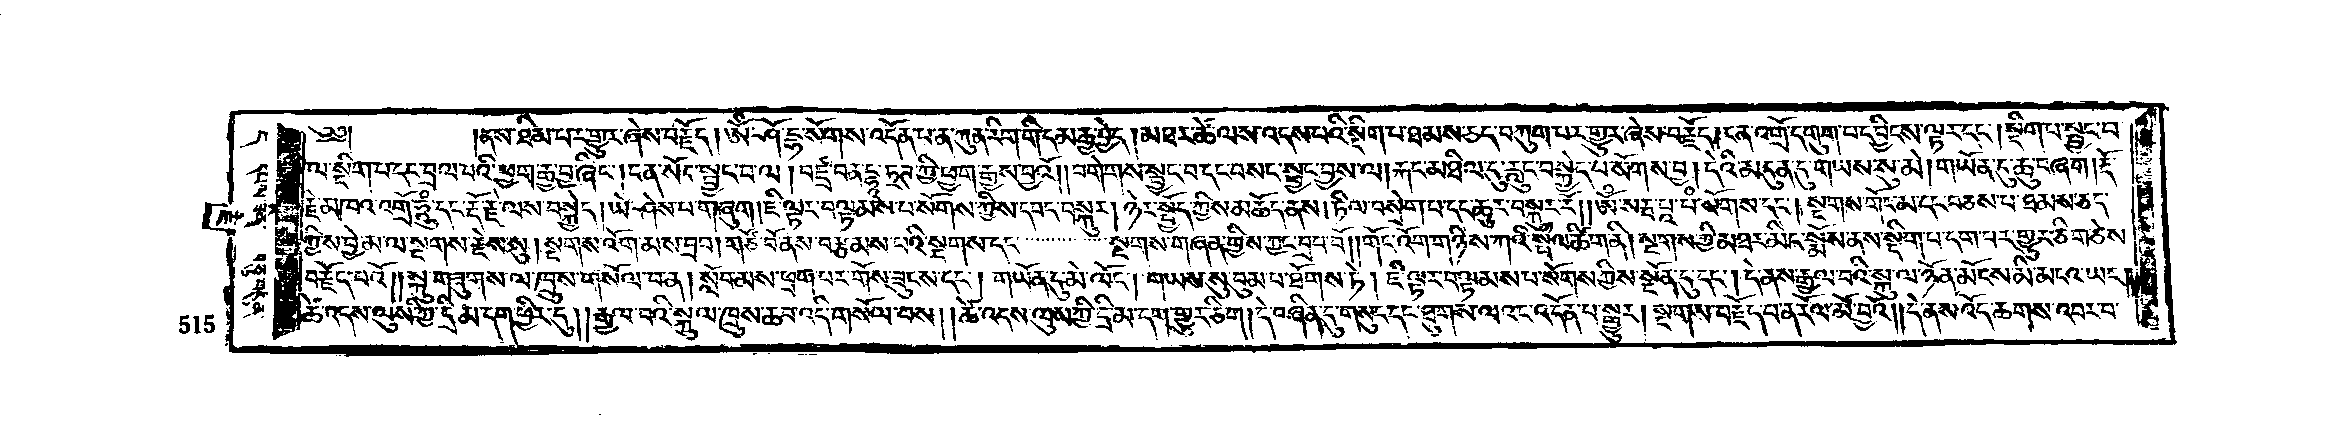༄༅། །ནས་ཐིམ་པར་གྱུར་ཞེས་བརྗོད། ཨོཾ་ཤོ་དྷ་སོགས་འདོན་པ་ན་ཀུན་རིག་གི་དམ་རྒྱ་བྱེད། མཐར་ཚེ་ལས་འདས་པའི་སྡིག་པ་ཐམས་ཅད་བཀུག་པར་གྱུར་ཞེས་བརྗོད། ངན་འགྲོ་དགུག་པ་དབྱིངས་ལྟར་དང་། སྡིག་པ་སྦྱང་བ་
ལ་སྡིག་པ་དང་བྲལ་བའི་ཕྱག་རྒྱ་བྱ་ཞིང་། ངན་སོང་སྦྱང་བ་ལ། བཛྲ་བན་དྷཱ་ཏྲཊ་ཀྱི་ཕྱག་རྒྱས་བྱའོ། །བགེགས་སྦྱང་བ་དང་བསང་སྦྱང་བྱས་ལ། རྐང་མཐིལ་དུ་རླུང་བསྐྱེད་པ་སོགས་བྱ། དེའི་མདུན་དུ་གཡས་སུ་མེ། གཡོན་དུ་ཆུ་བཞག །རྡོ་
རྗེ་མཁའ་འགྲོ་ཧཱུཾ་དང་རྡོ་རྗེ་ལས་བསྐྱེད། ཡེ་ཤེས་པ་གཞུག། ཇི་ལྟར་བལྟམས་པ་སོགས་ཀྱིས་དབང་བསྐུར། ཉེར་སྤྱོད་ཀྱིས་མཆོད་ནས། ཏིལ་བསྲེག་པ་དང་ཆུར་བསྐུར་རོ། །ཨོཾ་སརྦ་པཱ་པཾ་སོགས་དང་། སྔགས་གོང་མ་དང་བཅས་པ་ཐམས་ཅད་
ཀྱིས་བྱེ་མ་ལ་སྔགས་རྗེས་སུ། སྔགས་འོག་མས་བྲབ། གཙོ་བོ་ནས་བརྩམས་པའི་སྔགས་དང་། སྔགས་གཞན་གྱིས་ཀྱང་བྲབ་བོ། །གོང་འོག་གཉིས་ཀའི་སྤལ་ཚིག་ནི། སྔགས་ཀྱི་མཐར་མིང་སྨོས་ནས་སྡིག་པ་དག་པར་གྱུར་ཅིག་ཅེས་
བརྗོད་པའོ། །སྐུ་གཟུགས་ལ་ཁྲུས་གསོལ་བ་ན། སློབ་མས་ཕྲག་པར་གོས་ཟུངས་དང་། གཡོན་དུ་མེ་ལོང་། གཡས་སུ་བུམ་པ་ཐོགས་ཏེ། ཇི་ལྟར་བལྟམས་པ་སོགས་ཀྱིས་སྔོན་དུ་དང་། དེ་ནས་རྒྱལ་བའི་སྐུ་ལ་ཉོན་མོངས་མི་མངའ་ཡང་
ཚེ་འདས་ལུས་ཀྱི་དྲི་མ་དག་ཕྱིར་དུ། །རྒྱལ་བའི་སྐུ་ལ་ཁྲུས་ཆབ་འདི་གསོལ་བས། །ཚེ་འདས་ལུས་ཀྱི་དྲི་མ་དག་གྱུར་ཅིག །དེ་བཞིན་དུ་གསུང་དང་ཐུགས་ལའང་འདོན་པ་སྒྱུར། སྔགས་བརྗོད་པ་ན་རོལ་མོ་བྱའོ། །དེ་ནས་འོད་ཆགས་འབར་བ་